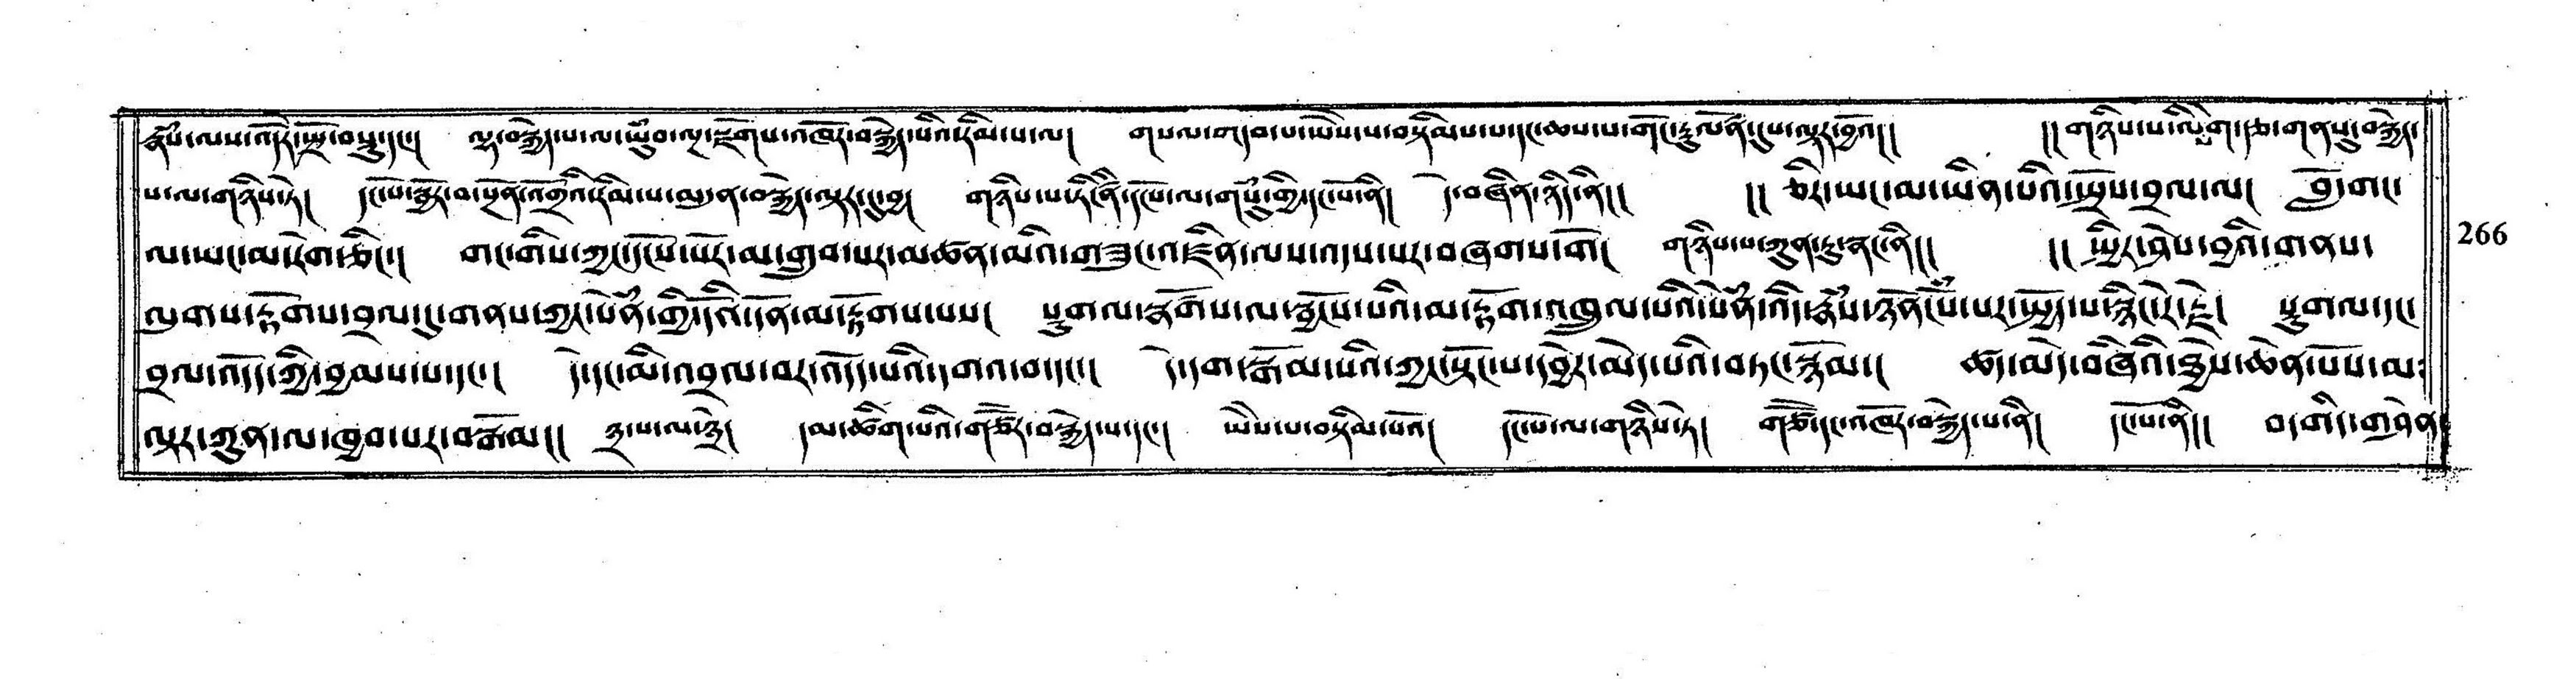རྣམས་ལས་འོད་ཟེར་སྤྲོ་བསྡུ་དང་། ལྷ་བསྐྱེད་པ་ལ་ཡབ་ཡུམ་ལྔ་རྫོགས་འཁོར་བསྐྱེད་པའི་རིམ་པ་ལ། གསལ་གདབ་པ་ཡེ་ཤེས་པ་བསྟིམས་པ་དང་ཆས་པ་གོང་རྡུལ་ཚོན་དུས་ལྟར་བྱའོ།། །།གཉིས་པ་ལི་སེག་རྩ་གནས་སུ་བསྐྱེད་
པ་ལ་གཉིས་ཏེ། དང་པོ་སྦྱོར་བ་སྔོན་འགྲོའི་རིམ་པ་མདུན་བསྐྱེད་ལྟར་དུ་བྱ། གཉིས་པ་ཏིང་འཛིན་དངོས་ལ་གསུམ་གྱི་དང་པོ་ནི། དེ་བཞིན་ཉིད་ནི།། །།ཅིར་ཡང་མ་ཡིན་པའི་སྤྲོས་བྲལ་ལ། བློ་གང་
ལ་ཡང་མ་རེག་ཅིང་། གང་གིས་ཀྱང་དངོས་པོར་མ་གྲུབ་པར་མཚན་མའི་གཟུང་འཛིན་ལས་འདས་པར་བཞག་གོ། གཉིས་པ་ཀུན་ཏུ་སྣང་ནི།། །།སྤྱིར་ཤེས་བྱའི་གནས་
ལུགས་རྟོགས་བྲལ་དུ་གནས་ཀྱང་སེམས་ཅན་གྱིས་དེའི་དོན་མ་རྟོགས་པས། སྡུག་བསྔལ་སྣ་ཚོགས་ལ་སྦྱོངས་པའི་མ་རྟོག་འཁྲུལ་པའི་སེམས་ཅན་འདི་རྣམས་ཉོན་མོངས་པར་སྤྱོད་པ་སྙིང་རེ་རྗེ། སྡུག་བསྔལ་དང་
བྲལ་འདོད་ཀྱི་བྱམས་པ་དང་། དེ་དང་མི་འབྲལ་བར་འདོད་པའི་དགའ་བ་དང་། དེ་དག་སྒོམ་པའི་ཀྱང་སྟོང་པ་དབྱེར་མེད་པའི་བཏང་སྙོམ། ཚད་མེད་བཞིའི་ཐུགས་རྗེ་ཆེན་པོས་མ་
ལྟར་ཀུན་ལ་ཁྱབ་པར་བསྒོམ།། གསུམ་པ་གསུམ་སྟེ། དམ་ཚིག་པའི་གཙོ་བོར་བསྐྱེད་པ་དང་། ཡེ་ཤེས་པ་བསྟིམ་པའོ། དང་པོ་ལ་གཉིས་ཏེ། གཙོ་བོ་དང་འཁོར་བསྐྱེད་པ་ནི། དང་པོ་ནི།། བདག་ཉིད་གཤེན་